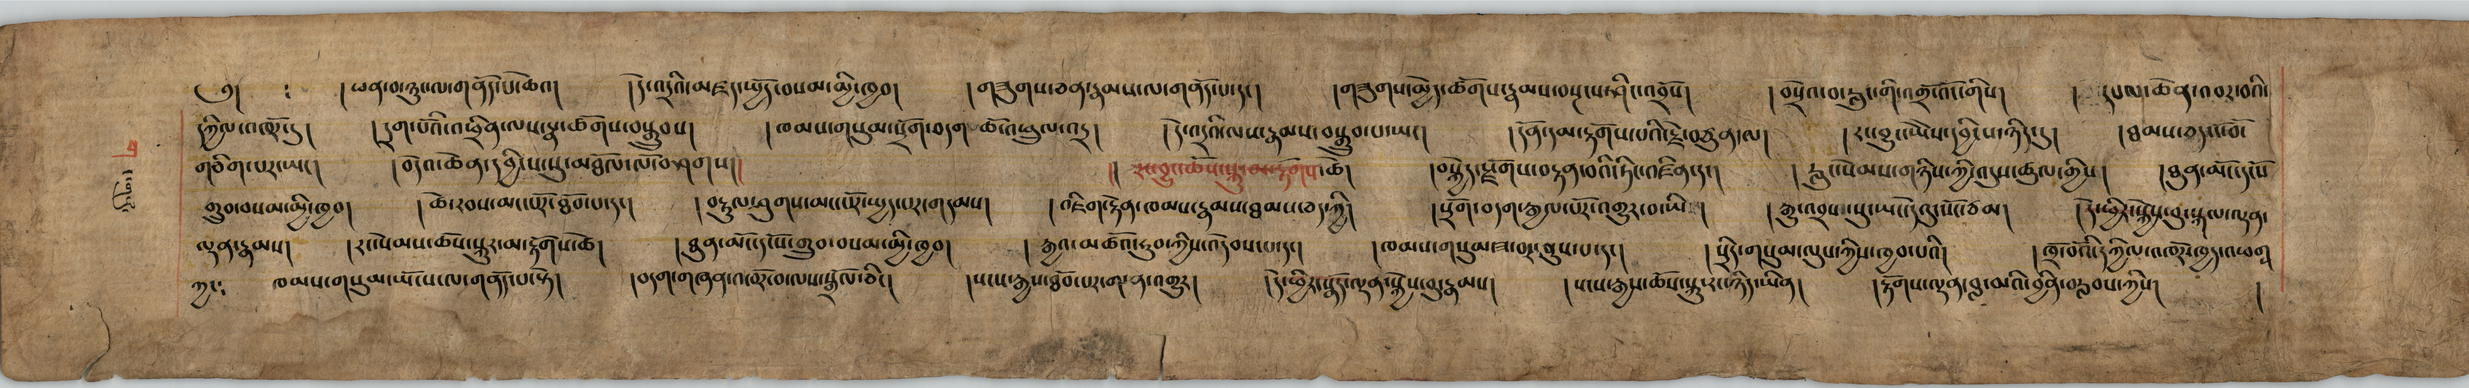༅། །ཕན་བ་ཉུང་ལ་གནོད་པ་ཆེའ། །དེ་འདྲའི་མཛད་སྤྱོད་བསམ་མྱི་ཁྱབ། །གཟུགས་ཅན་རྣམས་ལ་གནོད་པ་དང། །གཟུགས་མྱེད་ཚོགས་རྣམས་བསྔངས་ཤིང་འབྲོས། །བསྲེའ་བ་རླུང་གི་འགྲོ་འོང་གིས། ། དཔལ་ཆེན་འབར་བའི་
དཀྱིལ་འཁོར་དུ། །དྲག་པོའི་འཕྲིན་ལས་སྣ་ཚོགས་བསྒྲུབས། །ཁམས་གསུམ་སྲོག་བདག་ཆོ་འཕྲུལ་འདྲ། །དེ་འདྲའི་ལས་རྣམས་བསྒྲུབ་པ་ཡང། །དོན་དམ་རྟོགས་པའི་རྗེ་བཙུན་ལ། །རང་བྱུང་ཡཻས་དབྱིངས་ཉིད་དུ། །ཐམས་ཅད་ངོ་བོ་
གཅིག་པར་ཡང། །བདེའ་ཆེན་དབྱིངས་སུ་མཐོལ་ལོ་བཤགས།། །། རང་བྱུང་ཆོས་སྐུ་མ་རྟོགས་ཚེ། །བསྐྱེད་སྫོགས་བརྟན་བའི་ཏིང་འཛིན་དང། །རླུང་སེམས་གཉིས་ཀྱི་འདུས་ཚུལ་གྱིས། །མཐུན་མོང་དངོས
གྲུབ་བསམ་མྱི་ཁྱབ། །ཚེ་རབས་མང་པོར་ཐོབ་པ་དང། །བརྟུལ་ཤུགས་མང་པོར་སྤྱད་པར་གདམས། །འཇིག་རྟེན་ཁམས་རྣམས་ཐམས་ཅད་ཀྱི། །སྲོག་བདག་རྒྱལ་པོར་འགྱུར་བ་ཡི ། །རྒྱུ་འབྲས་སུ་ཡང་དེའུ་སོང་ཙམ། །དེ་ཕྱིར་སྐྱེས་བུ་སྐལ་ལྡན་
ལྡན་རྣམས། །རང་སེམས་ཆོས་སྐུར་མ་རྟོགས་ཚེ། །ཐུན་མོང་དངོས་གྲུབ་བསམ་མྱི་ཁྱབ། །རྒྱའ་མཚོའ་ཧུབ་ཀྱིས་འདེབས་པ་དང། །ཁམས་གསུམ་ཟ་བར་ནུས་པ་དང། །སྲིད་གསུམ་ལུས་ཀྱིས་ཁྱབ་པའི། །ཁྲོ་བོའི་དཀྱིལ་འཁོར་ཁྱད་འཕག
ཀྱང༴ ཁམས་གསུམ་ཡོངས་ལ་གནོད་པ་སྟེ། །བདག་གཞན་འཁོར་བ་ལས་སྒྲོལ་ཅིང། །སངས་རྒྱས་ཐོབ་པར་ག་ན་འགྱུར། །དེ་ཕྱིར་སྣོད་ལྡན་སྐྱེས་བུ་རྣམས། །སངས་རྒྱས་ཆོས་སྐུ་རང་ཉིད་ཡིན། །རྟོགས་ལྡན་བླ་མའི་བྱིན་བརླབས་ཀྱིས།